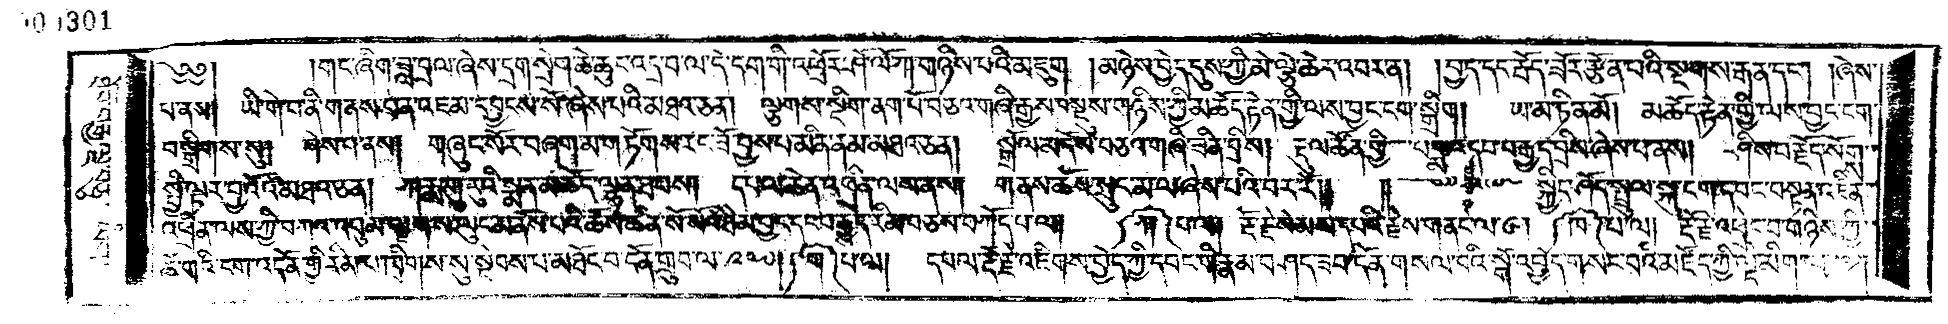༄༅། །གང་ཞིག་ཟླ་བྲལ་ཞེས་དྲག་སྲེག་ཆེ་ཆུང་འདྲ་བ་ལ་དེ་དག་གི་འཕྲོར་ཤོ་ལོ་ཀ་གཉིས་པའི་མཇུག །མཉེས་བྱེད་དུས་ཀྱི་མེ་ལྕེ་ཆེར་འབར་ན། །བྱད་དང་རྦོད་ཟོར་རྩོན་པའི་སྔགས་རྒན་དང་། །ཞེས་
པ་ནས། ཡི་གེ་བ་ནི་གནས་བན་འཇམ་དབྱངས་སོ་ཞེས་པའི་མཐའ་ཅན། ལྕགས་སྡིག་ནག་པོ་བཅའ་གཞི་རྒྱས་བསྡུས་གཉིས་ཀྱི་མཆོད་རྟེན་གྱི་ལས་བྱང་ངག་སྒྲིག། ཡ་མ་ཏི་ན་མོ། མཆོད་རྟེན་གྱི་ལས་བྱང་ངག་
བསྒྲིགས་སུ། ཞེས་པ་ནས།  གཞུང་སོར་བཞག་མ་གཏོགས་རང་ཟོ་བྱས་པ་མིན་ནམ་མཐའ་ཅན། སྒྲོལ་མདོས་བཅའ་གཞི་ཟིན་བྲིས། རྡུལ་ཚོན་གྱི་པདམ་འདབ་བརྒྱད་བྲིས་ཞེས་པ་ནས། ཤིས་བརྗོད་སོགས་
སྤྱི་ལྟར་བྱའོའི་མཐའ་ཅན། ཀརྨ་གུ་རུའི་སྨན་མཆོད་ལྷན་ཐབས། དཔལ་ཆེན་འཕྲིན་ལས་ནས། གནས་ཆོས་སྲུང་མ་ལ་ཞེས་པའི་བར་རོ།། །།?  སྐྱིད་ཤོད་སྤྲུལ་སྐུ་ངག་དབང་བསྟན་འཛིན་
འཕྲིན་ལས་ཀྱི་བཀའ་འབུམ་ལྗགས་ལུང་མནོས་པའི་ཆོས་ཚན་སོ་སོའི་ཐེམ་བྱང་དང་བརྒྱུད་རིམ་བཅས་བཀོད་པ་ལ། ༼ཀ༽ པ་ལ། རྡོ་རྗེ་སེམས་དཔའི་རྗེས་གནང་ལ ༦། ༼ཁ༽ པ་ལ། རྡོ་རྗེ་འཕྲེང་བ་གཉིས་ཀྱི་
ཆོ་གའི་ངག་འདོན་གྱི་རིམ་པ་ཁྲིགས་སུ་སྡེབས་པ་མཐོང་བ་དོན་གྲུབ་ལ ༢༠༧། ༼ག༽ པ་ལ། དཔལ་རྡོ་རྗེ་འཇིགས་བྱེད་ཀྱི་དབང་གི་རྣམ་བཤད་ཟབ་དོན་གསལ་བའི་སྒོ་འབྱེད་གསང་བའི་མཛོད་ཀྱི་ལྡེ་མིག་ལ ༡༠༡།